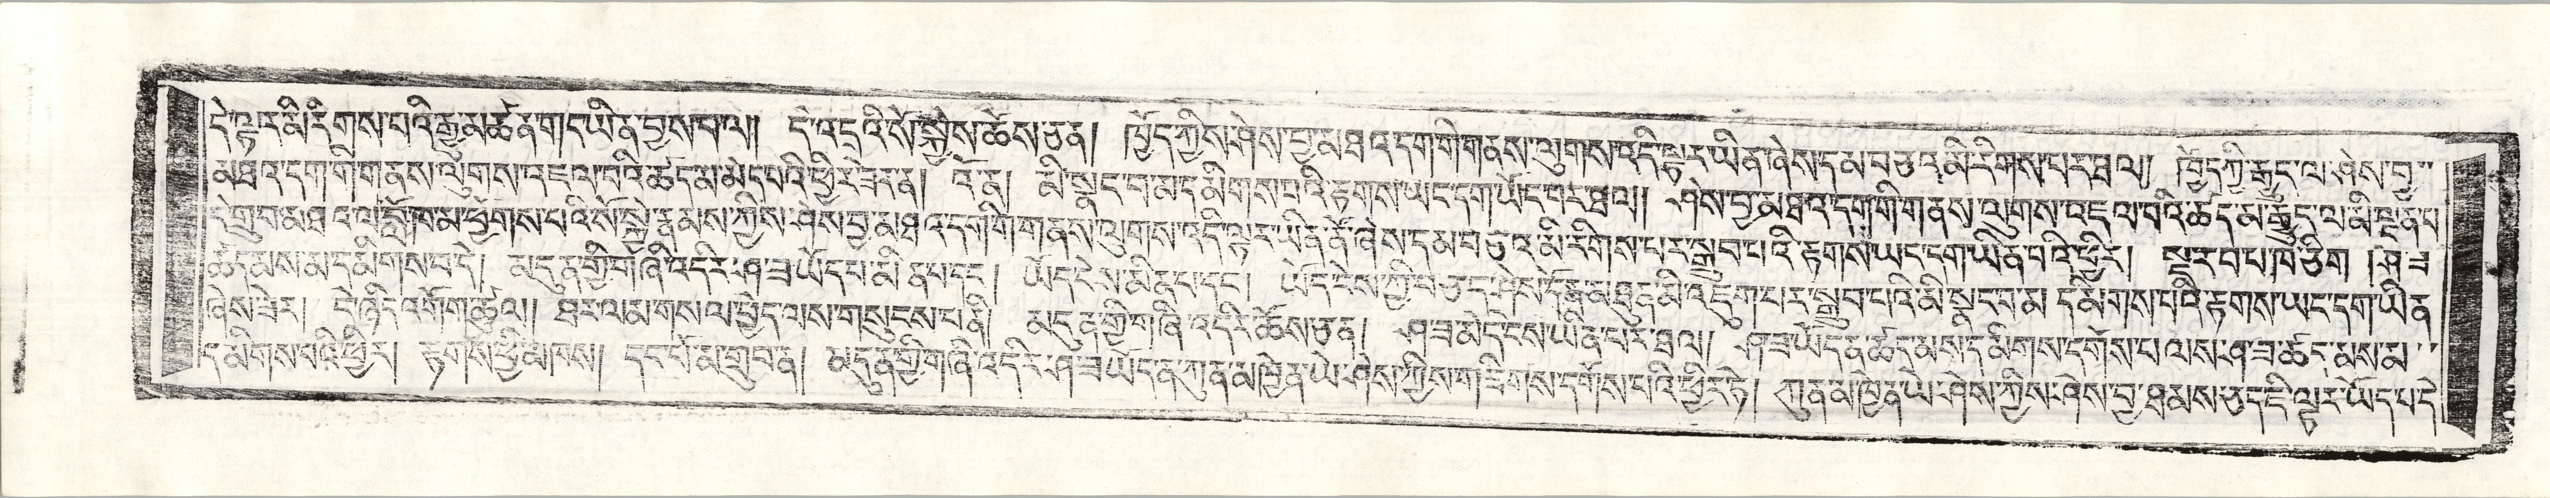དེ་ལྟར་མི་རིགས་པའི་རྒྱུ་མཚན་གང་ཡིན་བྱས་པ་ལ། དེ་འདྲའི་སོ་སྐྱེས་ཆོས་ཅན། ཁྱོད་ཀྱིས་ཤེས་བྱ་མཐའ་དག་གི་གནས་ལུགས་འདི་ལྟར་ཡིན་ཞེས་དམ་བཅའ་མི་རིགས་པར་ཐལ། ཁྱོད་ཀྱི་རྒྱུད་ལ་ཤེས་བྱ་
མཐའ་དག་གི་གནས་ལུགས་འཇལ་བའི་ཚད་མ་མེད་པའི་ཕྱིར་ཟེར་ན། འོ་ན། མི་སྣང་བ་མ་དམིགས་པའི་རྟགས་ཡང་དག་ཡོད་པར་ཐལ། ཤེས་བྱ་མཐའ་དག་གི་གནས་ལུགས་འཇལ་བའི་ཚད་མ་རྒྱུད་ལ་མི་ལྡན་པ་
དེ་གྲུབ་མཐའ་ལ་བློ་ཁ་མ་ཕྱོགས་པའི་སོ་སྐྱེ་རྣམས་ཀྱིས་ཤེས་བྱ་མཐའ་དག་གི་གནས་ལུགས་འདི་ལྟར་ཡིན་ནོ་ཞེས་དམ་བཅའ་མི་རིགས་པར་སྒྲུབ་པའི་རྟགས་ཡང་དག་ཡིན་པའི་ཕྱིར། སྔ་རབས་པ་ཁ་ཅིག །ཤ་ཟ་
ཚད་མས་མ་དམིགས་པ་དེ། མདུན་གྱི་གཞི་འདིར་ཤ་ཟ་ཡོད་པ་མིན་པ་དང་། ཡོད་ངེས་མིན་པ་དང་། ཡོད་ངེས་ཀྱི་བཅད་ཤེས་དོན་མཐུན་མི་འཇུག་པར་སྒྲུབ་པའི་མི་སྣང་བ་མ་དམིགས་པའི་རྟགས་ཡང་དག་ཡིན་
ཞེས་ཟེར། དེ་ཉིད་འགོག་ཚུལ། ཐར་ལམ་གསལ་བྱེད་ལས་གསུངས་པ་ནི། མདུན་གྱི་གཞི་འདིར་ཆོས་ཅན། ཤ་ཟ་མེད་ངེས་ཡིན་པར་ཐལ། ཤ་ཟ་ཡོད་ན་ཚད་མས་དམིགས་དགོས་པ་ལས་ཤ་ཟ་ཚད་མས་མ་
དམིགས་པའི་ཕྱིར། རྟགས་ཕྱི་མ་ཁས། དང་པོ་མ་གྲུབ་ན། མདུན་གྱི་གཞི་འདིར་ཤ་ཟ་ཡོད་ན་ཀུན་མཁྱེན་ཡེ་ཤེས་ཀྱིས་གཟིགས་དགོས་པའི་ཕྱིར་ཏེ། ཀུན་མཁྱེན་ཡེ་ཤེས་ཀྱིས་ཤེས་བྱ་ཐམས་ཅད་ཇི་ལྟར་ཡོད་པ་དེ་